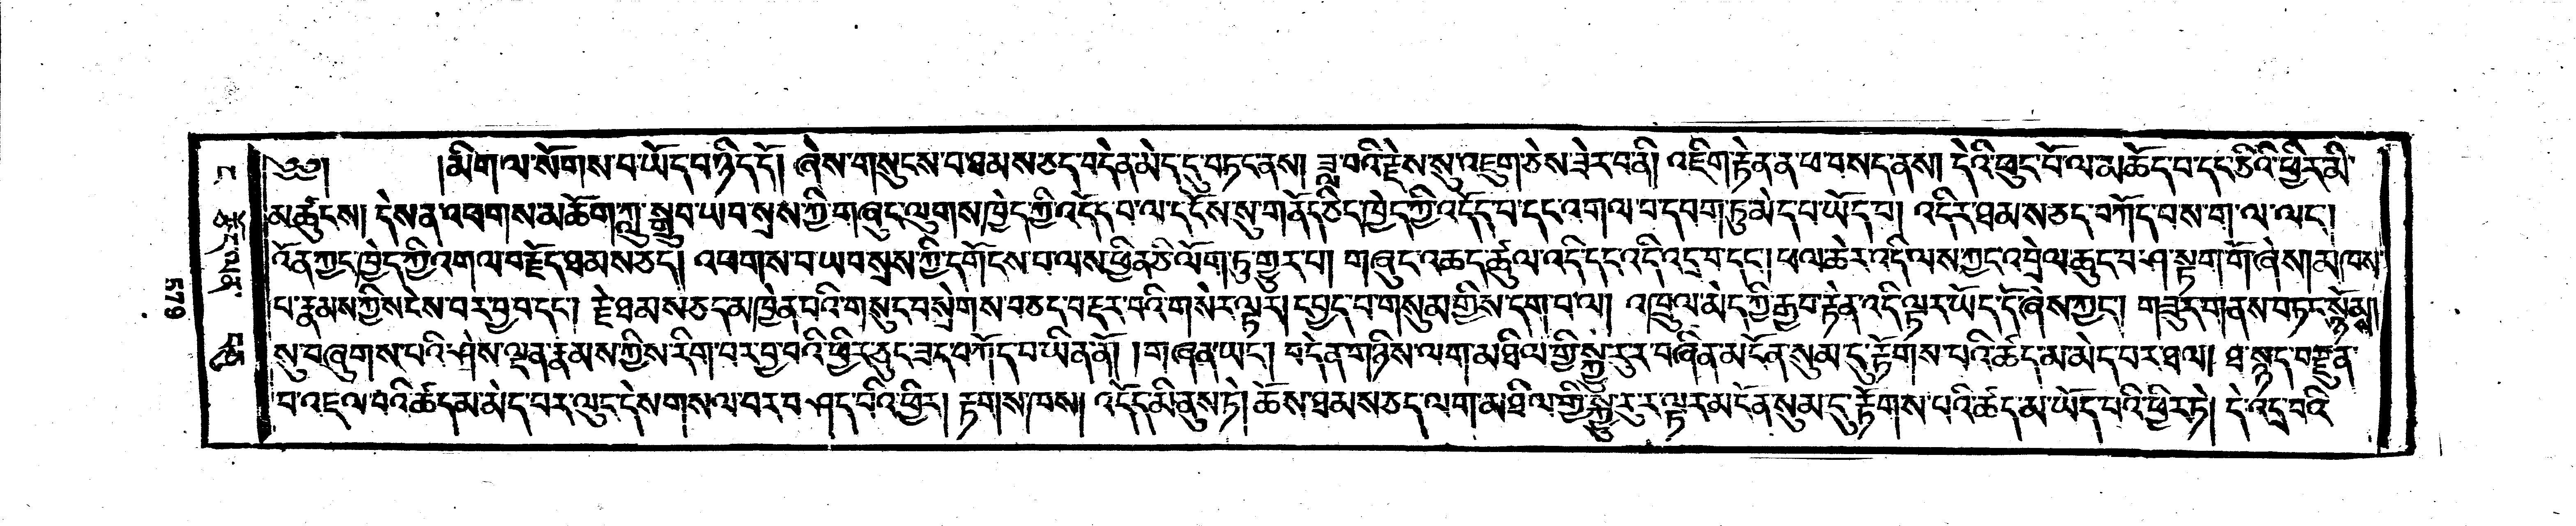༄༅། །མིག་ལ་སོགས་པ་ཡོད་པ་ཉིད་དོ། ཞེས་གསུངས་པ་ཐམས་ཅད་བདེན་མེད་དུ་བཏང་ནས། ཟླ་བའི་རྗེས་སུ་འཇུག་ཅེས་ཟེར་བ་ནི། འཇིག་རྟེན་ན་ཕ་བསད་ནས། དེའི་ཕུང་པོ་ལ་མཆོད་པ་དང་ཅིའི་ཕྱིར་མི་
མཚུངས། དེས་ན་འཕགས་མཆོག་ཀླུ་སྒྲུབ་ཡབ་སྲས་ཀྱི་གཞུང་ལུགས་ཁྱེད་ཀྱི་འདོད་པ་ལ་དངོས་སུ་གནོད་ཅིང་ཁྱེད་ཀྱི་འདོད་པ་དང་འགལ་བ་དཔག་ཏུ་མེད་པ་ཡོད་པ། འདིར་ཐམས་ཅད་བཀོད་པས་ག་ལ་ལང་།
འོན་ཀྱང་ཁྱེད་ཀྱི་འགལ་བརྗོད་ཐམས་ཅད། འཕགས་པ་ཡབ་སྲས་ཀྱི་དགོངས་པ་ལས་ཕྱིན་ཅི་ལོག་ཏུ་གྱུར་པ། གཞུང་འཆད་ཚུལ་འདི་དང་འདི་འདྲ་བ་དང་། ཕལ་ཆེར་འདི་ལས་ཀྱང་འབྲེལ་ཆུང་བ་ཤ་སྟག་གོ་ཞེས། མཁས་
པ་རྣམས་ཅིས་ངེས་པར་བྱ་བ་དང་། རྗེ་ཐམས་ཅད་མཁྱེན་པའི་གསུང་བསྲེགས་བཅད་བརྡར་བའི་གསེར་ལྟར། དཔྱད་པ་གསུམ་གྱིས་དག་པ་ལ། འཁྲུལ་མེད་ཀྱི་རྒྱབ་རྟེན་འདི་ལྟར་ཡོད་དོ་ཞེས་ཀྱང་། གཟུར་གནས་བཏང་སྙོམས་
སུ་བཞུགས་པའི་ཤེས་ལྡན་རྣམས་ཀྱིས་རིག་པར་བྱ་བའི་ཕྱིར་ཅུང་ཟད་བཀོད་པ་ཡིན་ནོ། །གཞན་ཡང་། བདེན་གཉིས་ལག་མཐིལ་གྱི་སྐྱུ་རུ་ར་བཞིན་མངོན་སུམ་དུ་རྟོགས་པའི་ཚད་མ་མེད་པར་ཐལ། ཐ་སྙད་བརྫུན་
པ་འཇལ་བའི་ཚད་མ་མེད་པར་ལུང་དེས་གསལ་བར་བཤད་པའི་ཕྱིར། རྟགས་ཁས། འདོད་མི་ནུས་ཏེ། ཆོས་ཐམས་ཅད་ལག་མཐིལ་གྱི་སྐྱུ་རུ་ར་ལྟར་མངོན་སུམ་དུ་རྟོགས་པའི་ཚད་མ་ཡོད་པའི་ཕྱིར་ཏེ། དེ་འདྲ་བའི་